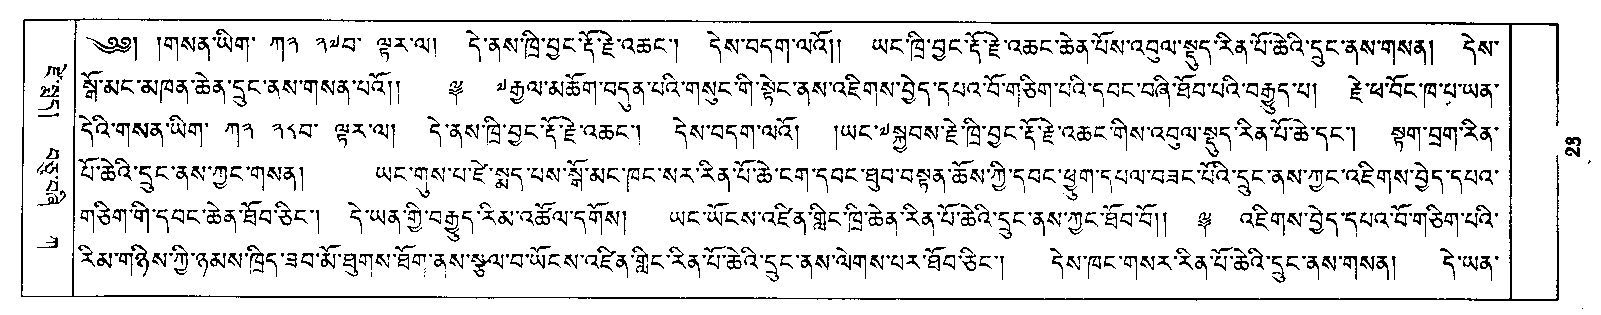༄༅། །གསན་ཡིག་ཀ ༢ ༢༧་བ་ལྟར་ལ། དེ་ནས་ཁྲི་བྱང་རྡོ་རྗེ་འཆང་། དེས་བདག་ལའོ།། ཡང་ཁྲི་བྱང་རྡོ་རྗེ་འཆང་ཆེན་པོས་འབུལ་སྡུད་རིན་པོ་ཆེའི་དྲུང་ནས་གསན། དེས་
སྒོ་མང་མཁན་ཆེན་དྲུང་ནས་གསན་པའོ།། ༈ ༧་རྒྱལ་མཆོག་བདུན་པའི་གསུང་གི་སྟེང་ནས་འཇིགས་བྱེད་དཔའ་བོ་གཅིག་པའི་དབང་བཞི་ཐོབ་པའི་བརྒྱུད་པ། རྗེ་ཕ་བོང་ཁ་པ་ཡན་
དེའི་གསན་ཡིག་ཀ ༢ ༢༨་བ་ལྟར་ལ། དེ་ནས་ཁྲི་བྱང་རྡོ་རྗེ་འཆང་། དེས་བདག་ལའོ། །ཡང་༧་སྐྱབས་རྗེ་ཁྲི་བྱང་རྡོ་རྗེ་འཆང་གིས་འབུལ་སྡུད་རིན་པོ་ཆེ་དང་། སྟག་བྲག་རིན་
པོ་ཆེའི་དྲུང་ནས་ཀྱང་གསན། ཡང་གུས་པ་ཛེ་སྨད་པས་སྒོ་མང་ཁང་སར་རིན་པོ་ཆེ་ངག་དབང་ཐུབ་བསྟན་ཆོས་ཀྱི་དབང་ཕྱུག་དཔལ་བཟང་པོའི་དྲུང་ནས་ཀྱང་འཇིགས་བྱེད་དཔའ་
གཅིག་གི་དབང་ཆེན་ཐོབ་ཅིང་། དེ་ཡན་གྱི་བརྒྱུད་རིམ་འཚོལ་དགོས། ཡང་ཡོངས་འཛིན་གླིང་ཁྲི་ཆེན་རིན་པོ་ཆེའི་དྲུང་ནས་ཀྱང་ཐོབ་བོ།། ༈ འཇིགས་བྱེད་དཔའ་བོ་གཅིག་པའི་
རིམ་གཉིས་ཀྱི་ཉམས་ཁྲིད་ཟབ་མོ་ཐུགས་ཐོག་ནས་སྩལ་བ་ཡོངས་འཛིན་གླིང་རིན་པོ་ཆེའི་དྲུང་ནས་ལེགས་པར་ཐོབ་ཅིང་། དེས་ཁང་གསར་རིན་པོ་ཆེའི་དྲུང་ནས་གསན། དེ་ཡན་